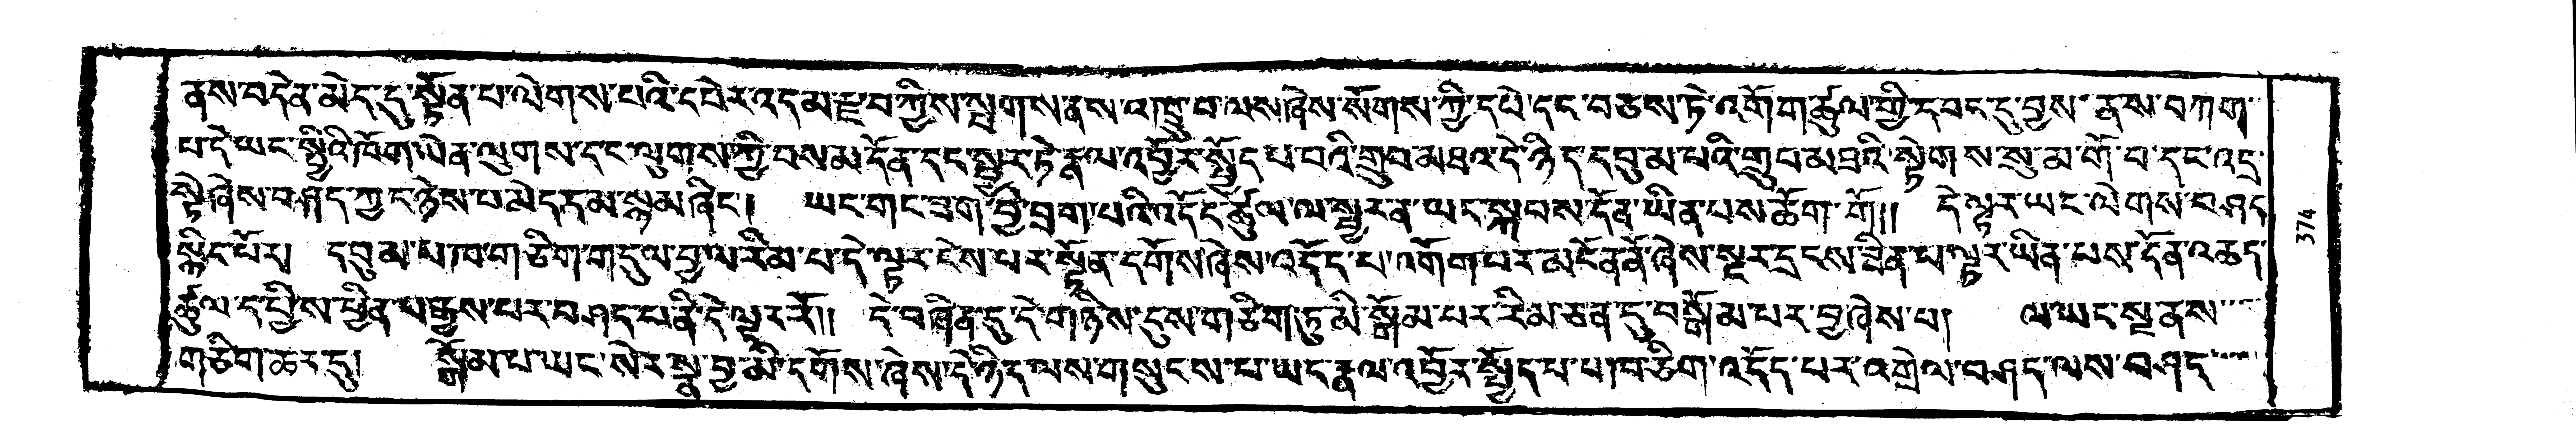ནས་བདེན་མེད་དུ་སྟོན་པ་ལེགས་པའི་དཔེར་འདམ་རྫབ་ཀྱིས་སྤགས་ནས་འཁྲུ་བ་ལས་ཞེས་སོགས་ཀྱི་དཔེ་དང་བཅས་ཏེ་འགོག་ཚུལ་གྱི་དབང་དུ་བྱས་ནས་བཀག་
པ་དེ་ཡང་སྤྱིའི་ཁོག་ཡེན་ལུགས་དང་ལུགས་ཀྱི་བསམ་དོན་དང་སྦྱར་ཏེ་རྣལ་འབྱོར་སྤྱོད་པ་བའི་གྲུབ་མཐའ་དེ་ཉིད་དབུ་མ་པའི་གྲུབ་མཐའི་སྟེགས་སུ་མ་གོ་བ་དང་འདྲ་
སྟེ་ཞེས་བཤད་ཀྱང་ཉེས་པ་མེད་དམ་སྙམ་ཞིང་། ཡང་གང་ཟག་བྱེ་བྲག་པའི་འདོད་ཚུལ་ལ་སྦྱར་ན་ཡང་སྐབས་དོན་ཡིན་པས་ཆོག་གོ །དེ་ལྟར་ཡང་ལེགས་བཤད་
སྙིང་པོར། དབུ་མ་པ་ཁ་གཅིག་གདུལ་བྱ་ལ་རིམ་པ་དེ་ལྟར་ངེས་པར་སྟོན་དགོས་ཞེས་འདོད་པ་འགོག་པར་མངོན་ནོ་ཞེས་སྔར་དྲངས་ཟིན་པ་ལྟར་ཡིན་པས་དོན་འཆད་
ཚུལ་དཔྱི་ས་ཕྱིན་པ་རྒྱས་པར་བཤད་པ་ནི་དེ་ལྟར་རོ། །དེ་བཞིན་དུ་དེ་གཉིས་དུས་གཅིག་ཏུ་མི་སྒོམ་པར་རིམ་ཅན་དུ་བསྒོམ་པར་བྱ་ཞེས་པ། ལ་ཡང་སྔ་ནས་
གཅིག་ཆར་དུ། སྒོམ་པ་ཡང་སེར་སྣ་བྱ་མི་དགོས་ཞེས་དེ་ཉིད་ལས་གསུངས་པ་ཡང་རྣལ་འབྱོར་སྤྱོད་པ་པ་ཁ་ཅིག་འདོད་པར་འགྲེལ་བཤད་ལས་བཤད་